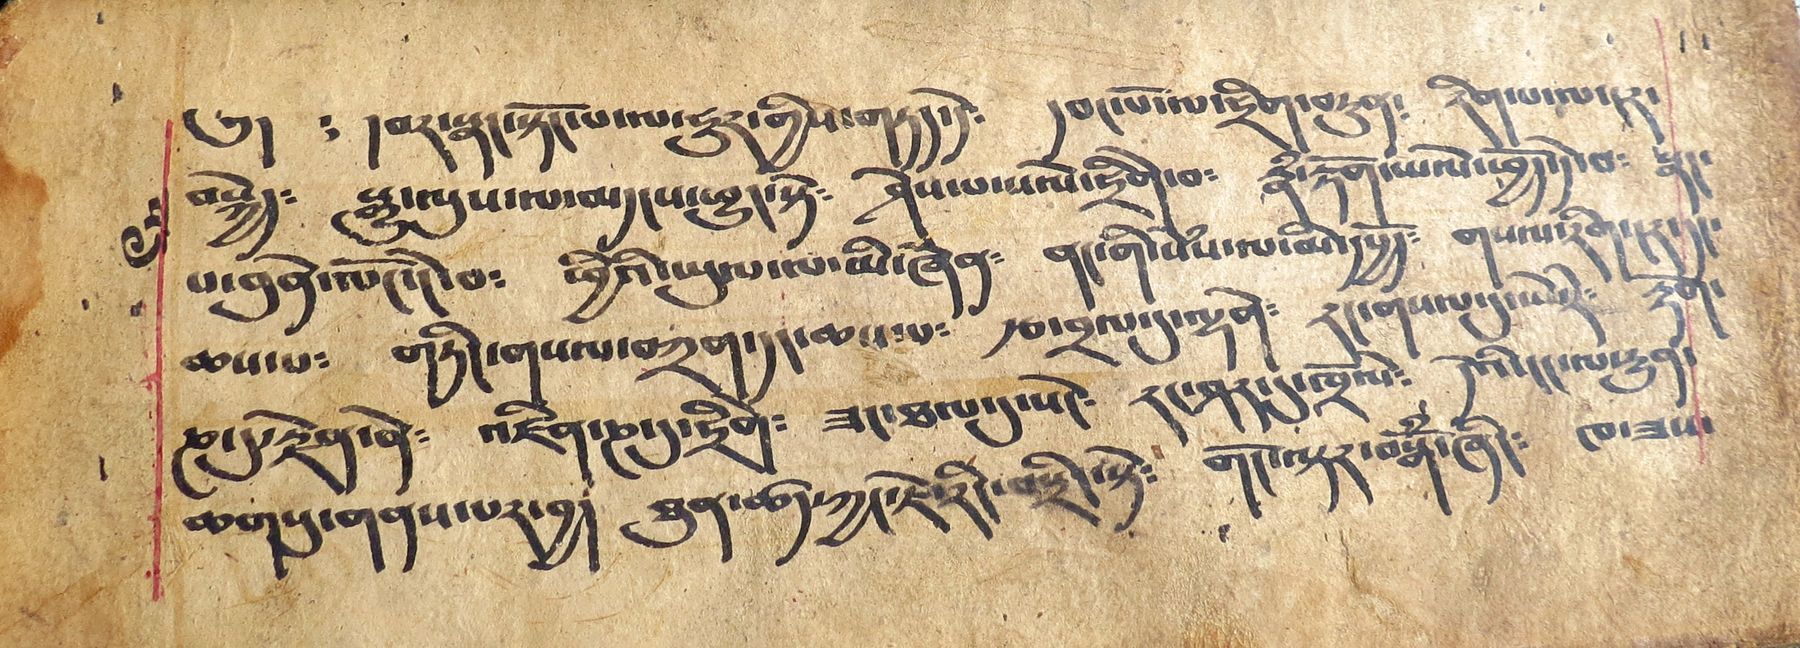བར་སྣང་སྟོང་པ་ལ་ཧུར་གྱིས་གཏད་དེ། དབང་པོ་ལ་ཧྲིག་འདོན། རིག་པ་ལ་ངར་
བསྐྱེད། སྒྱུ་ལུས་ལ་མདངས་ཕྱུང་སྟེ། ཤེས་པ་ས་ལེ་ཧྲིག་གེ་བ། རྣམ་རྟོག་སལེ་ཕྱོད་དེ་བ། སྣང་
བ་བུན་ནེ་ལོང་ངེ་བ། ཕྱིའི་ཡུལ་ལ་མ་ཞེན། ནང་གི་སེམས་ལ་མི་དཔྱོད། གསལ་རིག་ངར་དང་
ཆས་པ། སྟོང་གསལ་བཀྲག་དང་ཆས་པ། རྩ་བྲལ་དུ་ལྷག་གེ། རང་གསལ་དུ་ཡེར་རེ། རྟོག་
མེད་དུ་རྗེན་ནེ། འཛིན་མེད་དུ་ཧྲིག་གེ ཟང་ཐལ་དུ་སང་ངེ་། རང་ཤར་དུ་ཁྲོལ་ལེ། དེའི་ངང་ལ་རྒྱུན་
ཆགས་སུ་གནས་པར་བྱ། ཐུན་ཚད་ཀྱང་ཇེ་རིང་ལ་བསྲིང་སྟེ། གོང་ལྟར་སྒོམ་ཞིང་། ཁ་ཟས་